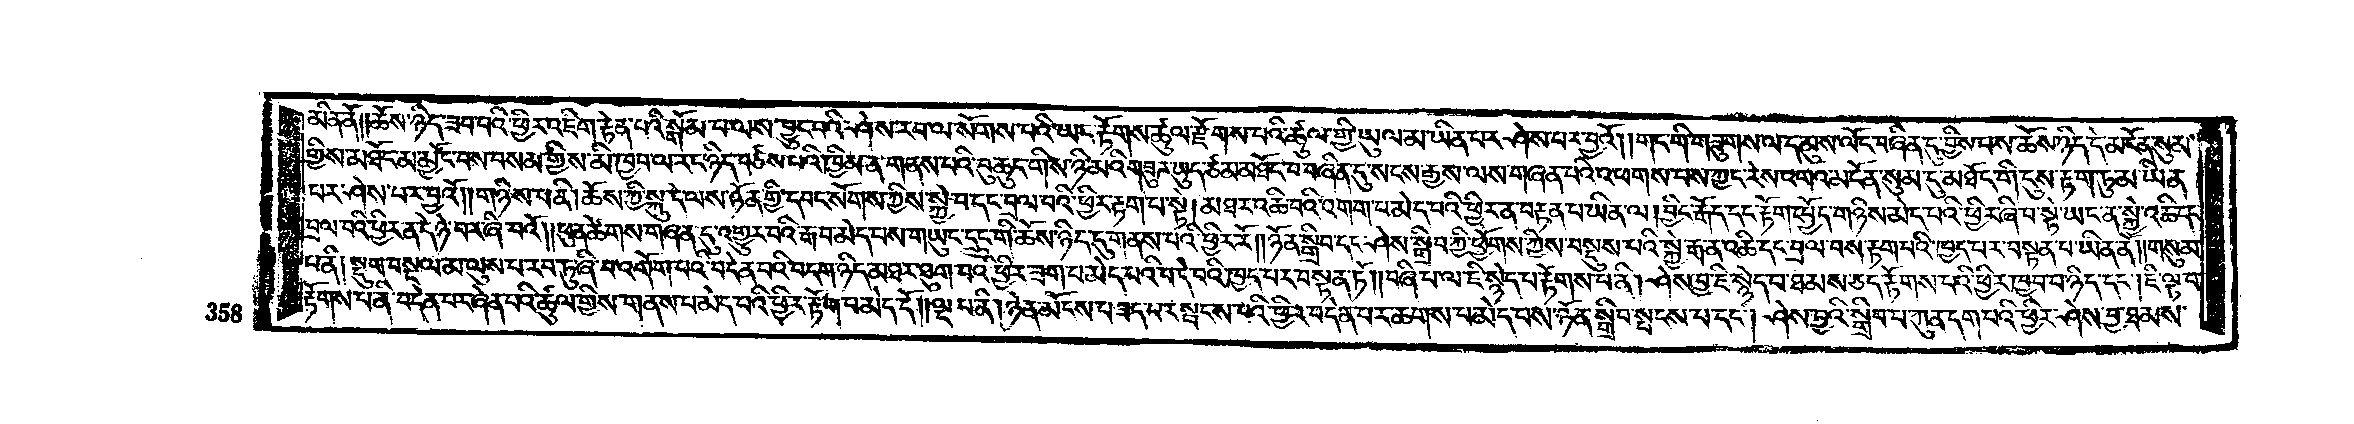མིན་ནོ། །ཆོས་ཉིད་ཟབ་པའི་ཕྱིར་འཇིག་རྟེན་པའི་སྒོམ་པ་ལས་བྱུང་བའི་ཤེས་རབ་ལ་སོགས་པའི་ཡང་རྟོགས་ཚུལ་རྫོགས་པའི་ཚུལ་གྱི་ཡུལ་མ་ཡིན་པར་ཤེས་པར་བྱའོ། །གང་གི་གཟུགས་ལ་དམུས་ལོང་བཞིན་དུ་བྱིས་པས་ཆོས་ཉིད་དེ་མངོན་སུམ་
གྱིས་མཐོང་མ་མྱོང་བས་བསམ་གྱིས་མི་ཁྱབ་ལ་རང་ཉིད་བཙས་པའི་ཁྱིམ་ན་གནས་པའི་བུ་ཆུང་གིས་ཉི་མའི་གཟུགས་ཡུད་ཙམ་མཐོང་བ་བཞིན་དུ་སངས་རྒྱས་ལས་གཞན་པའི་འཕགས་པས་ཀྱང་རེས་འགའ་མངོན་སུམ་དུ་མཐོང་གི་དུས་རྟག་ཏུ་མ་ཡིན་
པར་ཤེས་པར་བྱའོ། །གཉིས་པ་ནི། ཆོས་ཀྱི་སྐུ་དེ་ལས་ཉོན་གྱི་དབང་སོགས་ཀྱིས་སྐྱེ་བ་དང་བྲལ་བའི་ཕྱིར་རྟག་པ་སྟེ། མཐར་འཆི་བའི་འགག་བ་མེད་པའི་ཕྱིར་ན་བརྟན་པ་ཡིན་ལ། བྱིང་རྒོད་དང་རྟོག་དཔྱོད་གཉིས་མེད་པའི་ཕྱིར་ཞེ་བ་སྟེ་ཡང་ན་སྐྱེ་འཆི་དང་
བྲལ་བའི་ཕྱིར་ན་དེ་ཉེ་བར་ཞི་བའོ། །ཕུན་ཚོགས་གཞན་དུ་འགྱུར་པའི་རྒ་བ་མེད་པས་གཡུང་དྲུང་གི་ཆོས་ཉིད་དུ་གནས་པའི་ཕྱིར་རོ། །ཉོན་སྒྲིབ་དང་ཤེས་སྒྲིབ་ཀྱི་ཕྱོགས་ཀྱིས་བསྡུས་པའི་སྐྱེ་རྒ་ན་འཆི་དང་བྲལ་བས་རྟག་པའི་ཁྱད་པར་བསྟན་པ་ཡིན་ནོ། །གསུམ་
པ་ནི། སྡུག་བསྔལ་མ་ལུས་པ་རབ་ཏུ་ཞི་བ་འགོག་པའི་བདེན་པའི་བདག་ཉིད་མཐར་ཐུག་པའི་ཕྱིར་ཟག་པ་མེད་པའི་བདེ་བའི་ཁྱད་པར་བསྟན་ཏོ། །བཞི་པ་ལ་ཇི་སྙེད་པ་རྟོགས་པ་ནི། ཤེས་བྱ་ཇི་སྙེད་པ་ཐམས་ཅད་རྟོགས་པའི་ཕྱིར་ཁྱབ་པ་ཉིད་དང་། ཇི་ལྟ་བ་
རྟོགས་པ་ནི་བདེན་པར་ཞེན་པའི་ཚུལ་གྱིས་གནས་པ་མེད་པའི་ཕྱིར་རྟོག་པ་མེད་དོ། །ལྔ་པ་ནི། ཉོན་མོངས་པ་ཟད་པར་སྤངས་པའི་ཕྱིར་བདེན་པར་ཆགས་པ་མེད་པས་ཉོན་སྒྲིབ་སྤངས་པ་དང་། ཤེས་བྱའི་སྒྲིབ་པ་ཀུན་དག་པའི་ཕྱིར་ཤེས་བྱ་ཐམས་